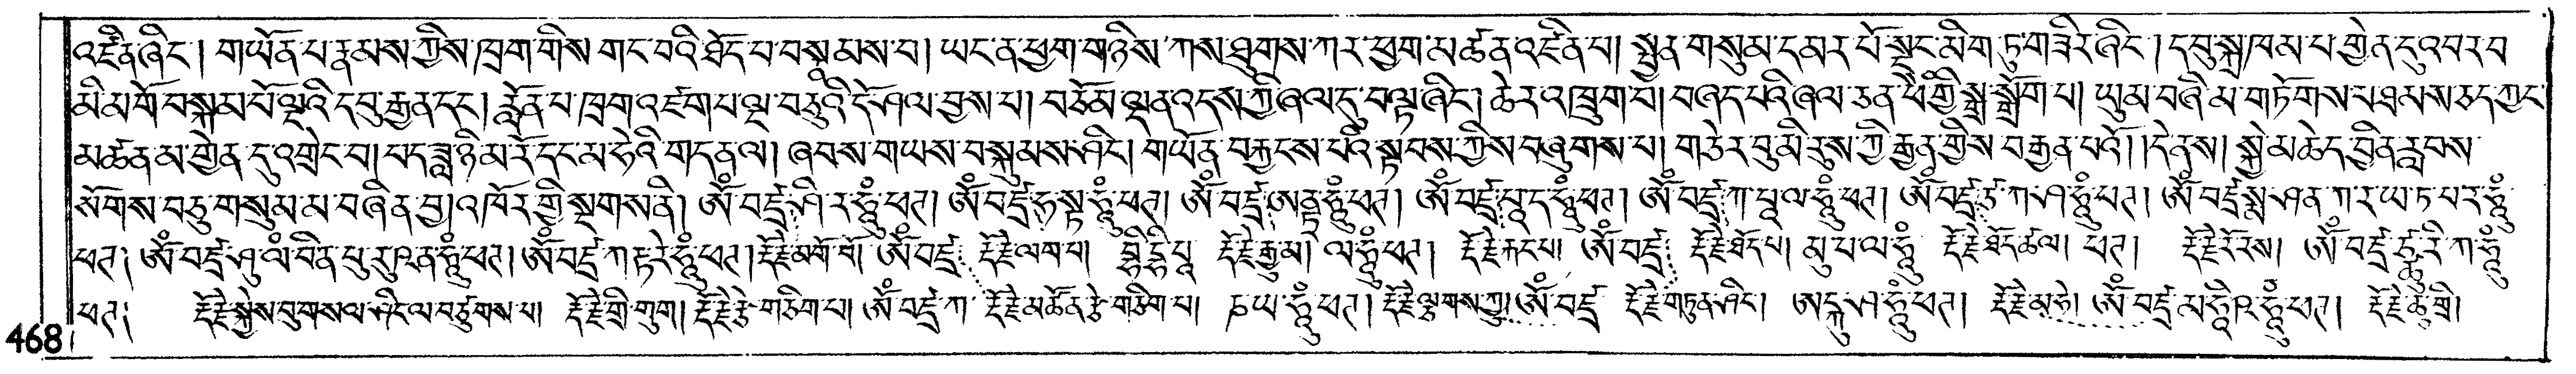འཛིན་ཞིང་། གཡོན་པ་རྣམས་ཀྱིས་ཁྲག་གིས་གང་བའི་ཐོད་པ་བསྣམས་པ། ཡང་ན་ཕྱག་གཉིས་ཀས་ཐུགས་ཀར་ཕྱག་མཚན་འཛིན་པ། སྤྱན་གསུམ་དམར་པོ་སྡང་མིག་ཏུ་གཟིར་ཞིང་། དབུ་སྐྲ་ཁམ་པ་གྱེན་དུ་འབར་བ་
མི་མགོ་བསྐམ་པོ་ལྔའི་དབུ་རྒྱན་དང་། རློན་པ་ཁྲག་འཛག་པ་ལྔ་བཅུའི་དོ་ཤལ་བྱས་པ། བཅོམ་ལྡན་འདས་ཀྱི་ཞལ་དུ་བལྟ་ཞིང་། ཆེར་འཁྲུག་པ། བཞད་པའི་ཞལ་ཅན་ཕཻཾ་གྱི་སྒྲ་སྒྲོག་པ། ཡུམ་བཞི་མ་གཏོགས་པ་ཐམས་ཅད་ཀྱང་
མཚན་མ་གྱེན་དུ་འགྲེང་བ། པད་ཟླ་ཉི་མ་རོ་དང་མ་ཧེའི་གདན་ལ། ཞབས་གཡས་བསྐུམས་ཤིང་། གཡོན་བརྐྱངས་པའི་སྟབས་ཀྱིས་བཞུགས་པ། གཅེར་བུ་མི་རུས་ཀྱི་རྒྱན་གྱིས་བརྒྱན་པའོ། །དེ་ནས། སྐྱེ་མཆེད་བྱིན་རླབས་
སོགས་བཅུ་གསུམ་མ་བཞིན་བྱ། འཁོར་གྱི་སྔགས་ནི། ཨོཾ་བཛྲ་ཤི་ར་ཧཱུཾ་ཕཊ། ཨོཾ་བཛྲ་ཧ་སྟ་ཧཱུཾ་ཕཊ། ཨོཾ་བཛྲ་ཨནྟྲ་ཧཱུཾ་ཕཊ། ཨོཾ་བཛྲ་པཱ་ད་ཧཱུཾ་ཕཊ། ཨོཾ་བཛྲ་ཀ་པཱ་ལ་ཧཱུཾ་ཕཊ། ཨོཾ་བཛྲ་ཙ་ཀ་ཤ་ཧཱུཾ་ཕཊ། ཨོཾ་བཛྲ་སྨ་ཤ་ན་ཀ་ར་ཡ་ཏ་པ་ར་ཧཱུཾ་
ཕཊ། ཨོཾ་བཛྲ་ཤུ་ལཾ་བི་ན་པུ་རུ་ཥ་ན་ཧཱུཾ་ཕཊ། ཨོཾ་བཛྲ་ཀརྟ་རེ་ཧཱུཾ་ཕཊ། རྡོ་རྗེ་མགོ་བོ།  ཨོཾ་བཛྲ་རྡོ་རྗེ་ལག་པ།  བྷི་དྷི་པཱ་རྡོ་རྗེ་རྒྱུ་མ།  ལ་ཧཱུཾ་ཕཊ། རྡོ་རྗེ་རྐང་པ།  ཨོཾ་བཛྲ་རྡོ་རྗེ་ཐོད་པ།  མུ་པ་ལ་ཧཱུཾ་རྡོ་རྗེ་ཐོད་ཚལ།  ཕཊ། རྡོ་རྗེ་རོ་རས།  ཨོཾ་བཛྲ་ཙྪུ་རི་ཀ་ཧཱུཾ་
ཕཊ། རྡོ་རྗེ་སྐྱེས་བུ་གསལ་ཤིང་ལ་བཙུགས་པ། རྡོ་རྗེ་གྲི་གུག །རྡི་རྗེ་རྩེ་གཅིག་པ།  ཨོཾ་བཛྲ་ཀ་རྡོ་རྗེ་མཚོན་རྩེ་གཅོག་པ།  ཎ་ཡ་ཧཱུཾ་ཕཊ། རྡོ་རྗེ་ལྕགས་ཀྱུ།  ཨོཾ་བཛྲ་རྡོ་རྗེ་གཏུན་ཤིང་།  ཨདཀུ་ཤ་ཧཱུཾ་ཕཊ། རྡོ་རྗེ་མཧེ།  ཨོཾ་བཛྲ་མཧཱི་ཥ་ཧཱུཾ་ཕཊ། རྡོ་རྗེ་ཆུ་གྲི།